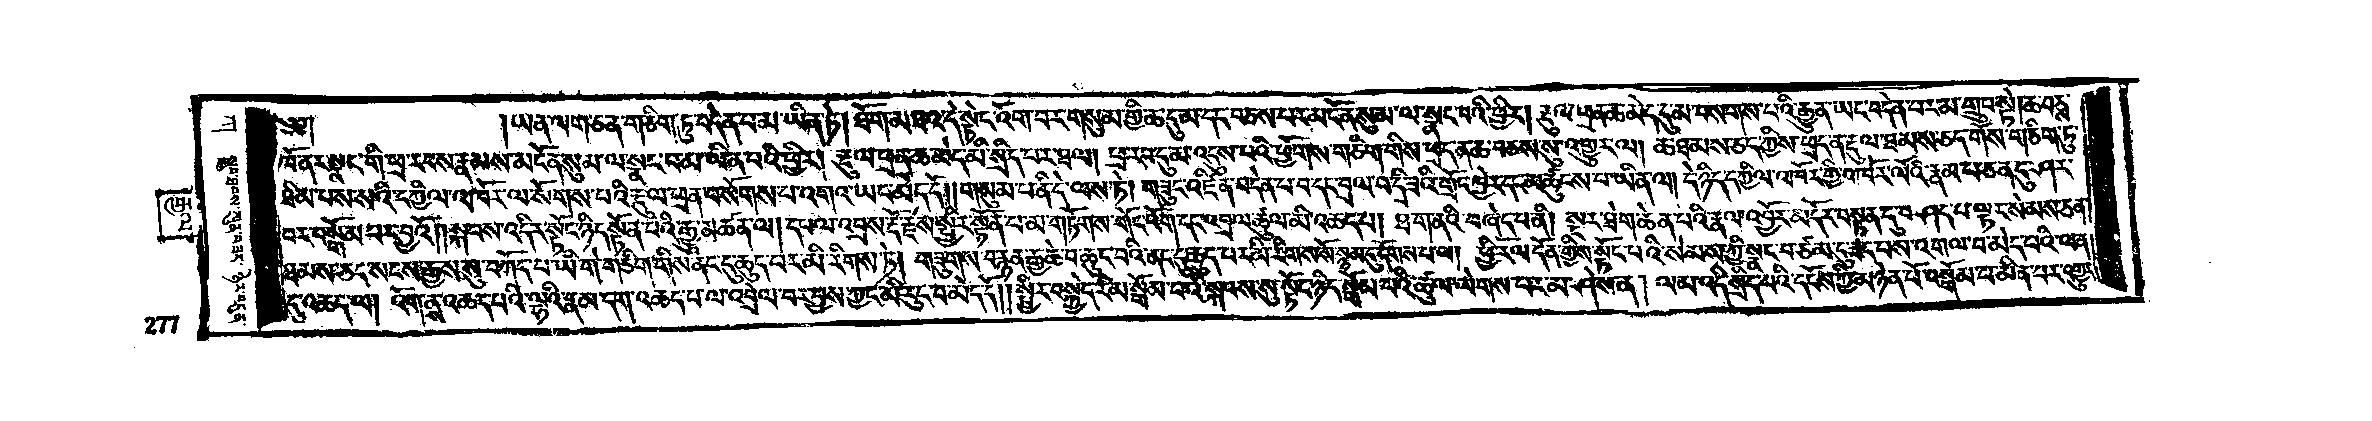༄༅། །ཡན་ལག་ཅན་གཅིག་ཏུ་བདེན་པ་མ་ཡིན་ཏེ། ཐོག་མཐའ་དེ་སྟེང་འོག་བར་གསུམ་གྱི་ཆ་དུ་མ་དང་བཅས་པར་མངོན་སུམ་ལ་སྣང་བའི་ཕྱིར། རྡུལ་ཕྲན་ཆ་མེད་དུ་མ་བསགས་པའི་རྒྱུན་ཡང་བདེན་པར་མ་གྲུབ་སྟེ། ཆ་བཅས་
ཁོ་ནར་སྣང་གི་ཕྲ་རབས་རྣམས་མངོན་སུམ་ལ་སྣང་བ་མ་ཡིན་པའི་ཕྱིར། རྡུལ་ཕྲན་ཆ་མེད་མི་སྲིད་པར་ཐལ། ཕྲ་རབ་དུ་མ་འདུས་པའི་ཕྱོགས་གཅིག་གིས་ཕྲད་ན་ཆ་བཅས་སུ་འགྱུར་ལ། ཆ་ཐམས་ཅད་ཀྱིས་ཕྲད་ན་རྡུལ་ཐམས་ཅད་གོས་གཅིག་ཏུ་
ཐིམ་པས་སའི་དཀྱིལ་འཁོར་ལ་སོགས་པའི་རྡུལ་ཕྲན་བ་སོགས་པ་འགའ་ཡང་མེད་དོ། །གསུམ་པ་ནི་དེ་ལས་ཏེ། གཟུང་འཛིན་བདེན་པ་བ་དང་བྲལ་བ་དྲི་ཟའི་གྲོང་ཁྱེར་དང་མཚུངས་པ་ཡིན་ལ། དེ་ཉིད་དཀྱིལ་འཁོར་གྱི་འཁོར་ལོའི་རྣམ་པ་ཅན་དུ་ཤར་བར་བསྒོམ་པར་བྱའོ། །སྐབས་འདིར་སྟོང་ཉིད་སྟོན་པའི་རྒྱུ་མཚན་ལ། དཔལ་འབྲས་རྡོ་རྗེས་སྤྱིར་སྟོན་པ་མ་གཏོགས་གོང་འོག་དང་འབྲལ་ཚུལ་མི་འཆད་པ། ཐ་ག་ནའི་བཞེད་པ་ནི། སྔར་ཐེག་ཆེན་པའི་རྣལ་འབྱོར་མདོར་བསྟན་དུ་བཤད་པ་ལྟར་སེམས་ཅན་
ཐམས་ཅད་སངས་རྒྱས་སུ་བཀོད་པ་ཡི་གེ་གཅིག་གིས་ནང་དུ་ཆུད་པར་མི་རིགས་ཏེ། གཟུགས་བརྙན་རྒྱ་ཆེ་བ་ཆུང་བའི་ནང་དུ་ཆུད་པར་མི་རིགས་སོ་སྙམ་དུ་དོགས་པ་ལ། ཕྱི་རོལ་དོན་གྱིས་སྟོང་པའི་སེམས་ཀྱི་སྣང་བ་ཙམ་དུ་ཟད་པས་འགལ་བ་མེད་པའི་ལན་
དུ་འཆད་ལ། འོག་ནས་འཆད་པའི་ལྷའི་རྣམ་དག་འཆད་པ་ལ་འབྲེལ་བར་བྱས་ཀྱང་མི་རུང་བ་མེད་དོ། །སྤྱིར་བསྐྱེད་རིམ་སྒོམ་པའི་སྐབས་སུ་སྟོང་ཉིད་སྒོམ་པའི་ཚུལ་ལེགས་པར་མ་ཤེས་ན། ལམ་འདི་སྲིད་པའི་དངོས་ཀྱི་མཉེན་པོ་བསྒོམ་པ་མིན་པར་འགྱུར་